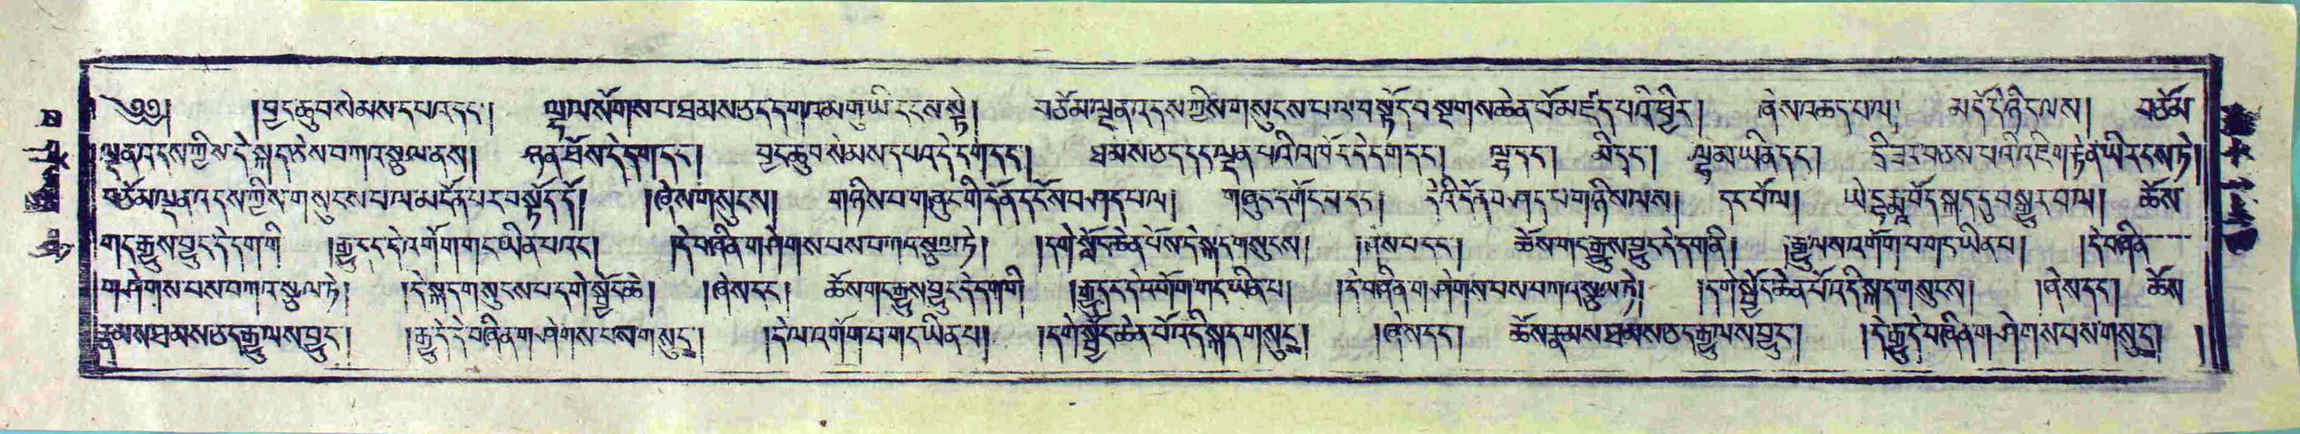བྱང་ཆུབ་སེམས་དཔའ་དང་། ལྷ་ལ་སོགས་པ་ཐམས་ཅད་དགའ་མགུ་ཡི་རངས་སྟེ། བཅོམ་ལྡན་འདས་ཀྱིས་གསུངས་པ་ལ་བསྟོད་བསྔགས་ཆེན་པོ་མཛད་པའི་ཕྱིར། ཞེས་འཆད་པ་ལ།
མདོ་དེ་ཉིད་ལས། བཅོམ་ལྡན་འདས་ཀྱིས་དེ་སྐད་ཅེས་བཀའ་སྩལ་ནས། ཉན་ཐོས་དེ་དག་དང་། བྱང་ཆུབ་སེམས་དཔའ་དེ་དག་དང་། ཐམས་ཅད་དང་ལྡན་པའི་འཁོར་དེ་དག་དང་། ལྷ་དང་
མི་དང་། ལྷ་མ་ཡིན་དང་། དྲི་ཟར་བཅས་པའི་འཇིག་རྟེན་ཡི་རངས་ཏེ། བཅོམ་ལྡན་འདས་ཀྱིས་གསུངས་པ་ལ་མངོན་པར་བསྟོད་དོ། །ཞེས་གསུངས། གཉིས་པ་གཞུང་གི་དོན་དངོས་བཤད་པ་
ལ། གཞུང་དགོད་པ་དང་། དེའི་དོན་བཤད་པ་གཉིས་ལས། དང་པོ་ལ། ཡེ་དྷ་རྨ་བོད་སྐད་དུ་བསྒྱུར་བ་ལ། ཆོས་གང་རྒྱུས་བྱུང་དེ་དག་གི །རྒྱུ་དང་དེ་འགོག་གང་ཡིན་པའང་། །དེ་བཞིན་གཤེགས་
པས་བཀའ་སྩལ་ཏེ། །དགེ་སློང་ཆེན་པོས་དེ་སྐད་གསུངས། །ཞེས་པ་དང་། ཆོས་གང་རྒྱུས་བྱུང་དེ་དག་ནི། །རྒྱུ་ལས་འགོག་པ་གང་ཡིན་པ། །དེ་བཞིན་གཤེགས་པས་བཀའ་སྩལ་ཏེ། །དེ་སྐད་གསུངས་པ་དགེ་སྦྱོང་ཆེ། །ཞེས་དང་། ཆོས་གང་རྒྱུས་བྱུང་དེ་དག་གི །རྒྱུ་དང་དེ་འགོག་གང་ཡིན་པ། །དེ་བཞིན་གཤེགས་པས་བཀའ་སྩལ་ཏེ། །དགེ་སྦྱོང་ཆེན་པོས་འདི་སྐད་
གསུངས༑ །ཞེས་དང་། ཆོས་རྣམས་ཐམས་ཅད་རྒྱུ་ལས་བྱུང་། །རྒྱུ་དེ་དེ་བཞིན་གཤེགས་པས་གསུང་། །རྒྱུ་ལ་འགོག་པ་གང་ཡིན་པ། །དགེ་སྦྱོང་ཆེན་པོས་འདི་སྐད་གསུང་། །ཞེས་དང་།
ཆོས་རྣམས་ཐམས་ཅད་རྒྱུ་ལས་བྱུང་། །དེ་རྒྱུ་དེ་བཞིན་གཤེགས་པས་གསུང་།